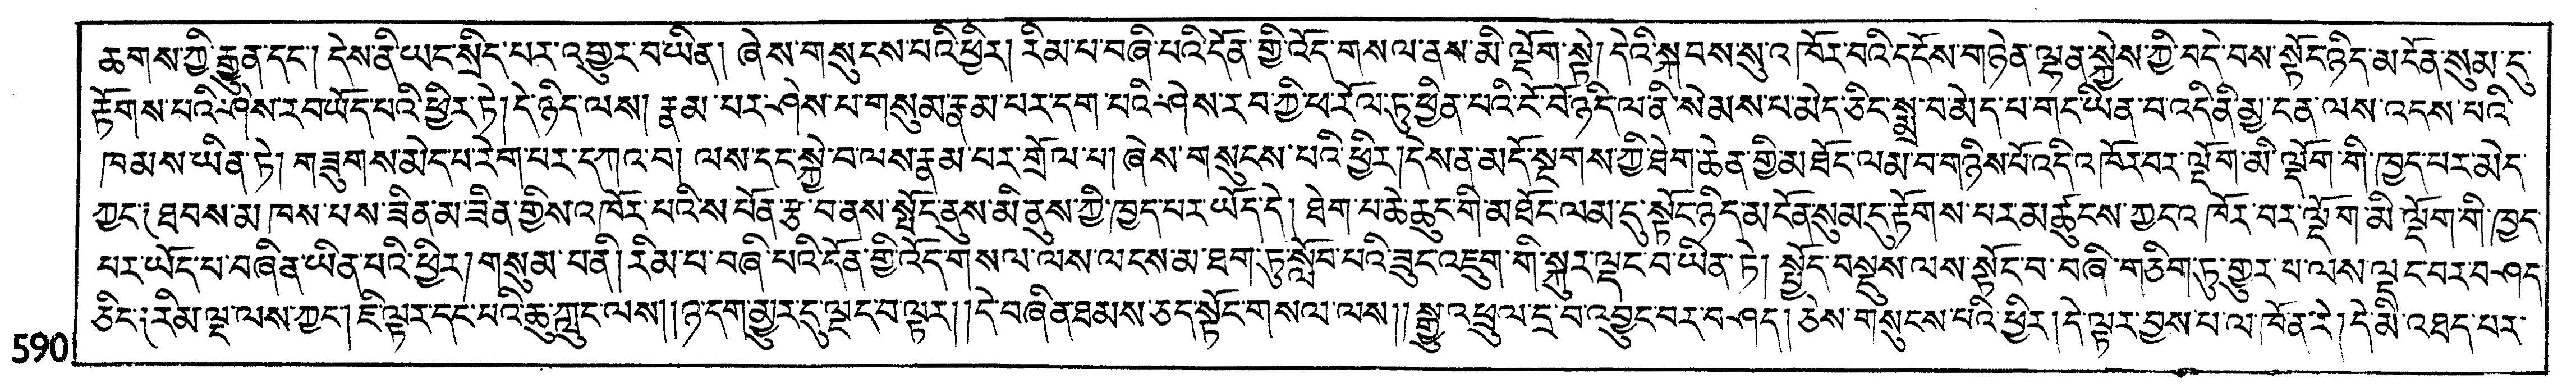ཆགས་ཀྱི་རྒྱུན་དང་། དེས་ནི་ཡང་སྲིད་པར་འགྱུར་བ་ཡིན། ཞེས་གསུངས་པའི་ཕྱིར། རིམ་པ་བཞི་པའི་དོན་གྱི་འོད་གསལ་ནས་མི་ལྡོག་སྟེ། དེའི་སྐབས་སུ་འཁོར་བའི་དངོས་གཉེན་ལྷན་སྐྱེས་ཀྱི་བདེ་བས་སྟོང་ཉིད་མངོན་སུམ་དུ་
རྟོགས་པའི་ཤེས་རབ་ཡོད་པའི་ཕྱིར་ཏེ། དེ་ཉིད་ལས། རྣམ་པར་ཤེས་པ་གསུམ་རྣམ་པར་དག་པའི་ཤེས་རབ་ཀྱི་ཕ་རོལ་ཏུ་ཕྱིན་པའི་ངོ་བོ་ཉིད་ལ་ནི་སེམས་པ་མེད་ཅིང་སྨྲ་བ་མེད་པ་གང་ཡིན་པ་འདི་ནི་མྱ་ངན་ལས་འདས་པའི་
ཁམས་ཡིན་ཏེ། གཟུགས་མེད་པ་རེག་པར་དཀའ་བ། ལས་དང་སྐྱེ་བ་ལས་རྣམ་པར་གྲོལ་པ། ཞེས་གསུངས་པའི་ཕྱིར། དེས་ན་མདོ་སྔགས་ཀྱི་ཐེག་ཆེན་གྱི་མཐོང་ལམ་བ་གཉིས་པོ་འདི་འཁོར་བར་ལྡོག་མི་ལྡོག་གི་ཁྱད་པར་མེད་
ཀྱང༑ ཐབས་མཁས་པས་ཟིན་མ་ཟིན་གྱིས་འཁོར་པའི་ས་པོན་རྩ་བ་ནས་སྤོང་ནུས་མི་ནུས་ཀྱི་ཁྱད་པར་ཡོད་དེ། ཐེག་པ་ཆེ་ཆུང་གི་མཐོང་ལམ་དུ་སྟོང་ཉིད་མངོན་སུམ་དུ་རྟོགས་པར་མཚུངས་ཀྱང་འཁོར་བར་ལྡོག་མི་ལྡོག་གི་ཁྱད་
པར་ཡོད་པ་བཞིན་ཡིན་པའི་ཕྱིར། གསུམ་པ་ནི། རིམ་པ་བཞི་པའི་དོན་གྱི་འོད་གསལ་ལས་ལངས་མ་ཐག་ཏུ་སློབ་པའི་ཟུང་འཇུག་གི་སྐུར་ལྡང་བ་ཡིན་ཏེ། སྤྱོད་བསྡུས་ལས་སྟོང་བ་བཞི་གཅིག་ཏུ་གྱུར་པ་ལས་ལྡང་བར་བཤད་
ཅིང༑ རིམ་ལྔ་ལས་ཀྱང་། ཇི་ལྟར་དང་པའི་ཆུ་ཀླུང་ལས། །ཉ་དག་མྱུར་དུ་ལྡང་བ་ལྟར། །དེ་བཞིན་ཐམས་ཅད་སྟོང་གསལ་ལས། །སྒྱུ་འཕྲུལ་དྲ་བ་འབྱུང་བར་བཤད། ཅེས་གསུངས་པའི་ཕྱིར། དེ་ལྟར་བྱས་པ་ལ་ཁོ་ན་རེ། དེ་མི་འཐད་པར་